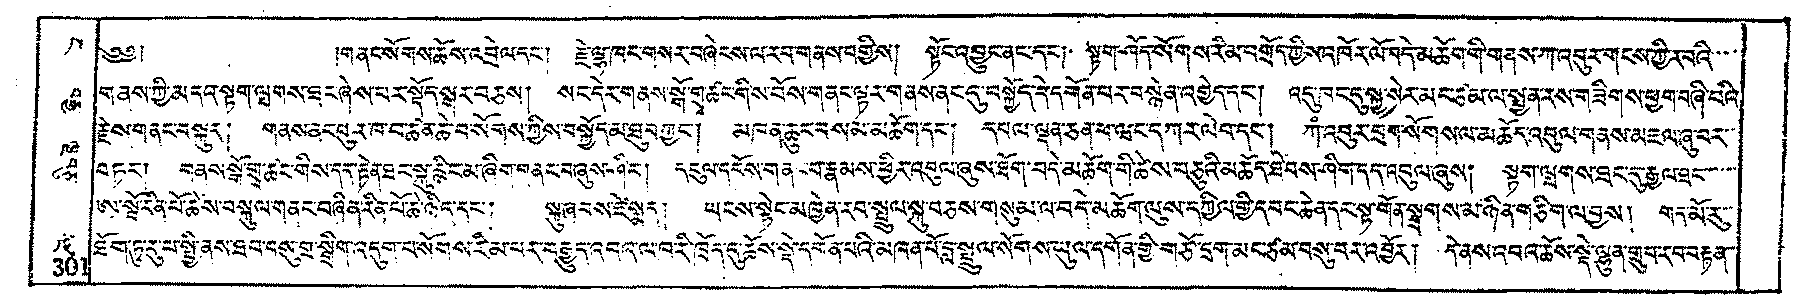༄༅། །གནང་སོགས་ཆོས་འབྲེལ་དང་། རྗེ་ལྷ་ཁང་གསར་བཞེངས་ལ་རབ་གནས་བགྱིས། སྟོང་འབྱུང་ནང་དང་། སྟག་ཤོད་སོགས་རིམ་བགྲོད་ཀྱིས་འཁོར་ལོ་བདེ་མཆོག་གི་གནས་ཀ་འབུར་གངས་ཀྱི་ར་བའི་
གནས་ཀྱི་མདའ་སྟག་ལྤགས་ཐང་ཞེས་པར་སྡོད་སྒར་བཅས། སང་དེར་གནས་སྒོ་གྲྭ་ཚང་གིས་བོས་གནང་ལྟར་གནས་ནང་དུ་བསྐྱོད་དེ་དགོན་པར་བསྙེན་འགྱེད་དང་། འདུ་ཁང་དུ་སྐྱ་སེར་མང་ཙམ་ལ་སྤྱན་རས་གཟིགས་ཕྱག་བཞི་པའི་
རྗེས་གནང་བསྐུར། གནས་ནང་ཕུར་ཁ་བ་ཚན་ཆེ་བ་སོགས་ཀྱིས་བསྐྱོད་མ་ཐུབ་ཀྱང་། མཁན་ཆུང་བསམ་མཆོག་དང་། དཔལ་ལྡན་ཅན་ཕ་ཝང་དཀར་ལེབ་དང་། ཀཾ་འབུར་བྲག་སོགས་ལ་མཆོད་འབུལ་གནས་མཇལ་ཞུ་བར་
བཏང་། གནས་སྒོ་གྲྭ་ཚང་གིས་དད་རྟེན་ཐང་སྐུ་རྙིང་མ་ཞིག་གནང་བ་ཞུས་ཤིང་། དངུལ་དངོས་གནང་བ་རྣམས་ཕྱིར་འབུལ་ཞུས་ཐོག་བདེ་མཆོག་གི་ཚེས་བཅུའི་མཆོད་ཐེབས་ཤིག་དད་འབུལ་ཞུས། སྟག་ལྤགས་ཐང་དུ་རྒྱལ་ཐང་
ཨ་སྦོ་རིན་པོ་ཆེས་བསྐུལ་གནང་བཞིན་རིན་པོ་ཆེ་ཉིད་དང་། སྐུ་ཞབས་ཛེ་སྨད། ཡངས་སྟེང་མཁྱེན་རབ་སྤྲུལ་སྐུ་བཅས་གསུམ་ལ་བདེ་མཆོག་ལུས་དཀྱིལ་གྱི་དབང་ཆེན་དང་སྟ་གོན་སྒྲགས་མ་ཉིན་གཅིག་ལ་བྱས། གད་མོ་རུ་
་ཐོག་ཏུ་རུ་པ་སྤྱི་ནས་ཐབ་བསུ་གྲ་སྒྲིག་འདུག་པ་སོགས་རིམ་པར་བརྒྱུད་འབའ་ལ་ཁ་རི་ཁྲོད་དུ་ཆོས་སྡེ་དགོན་པའི་མཁན་པོ་བླ་སྤྲུལ་སོགས་ཡུལ་དགོན་གྱི་གཙོ་དྲག་མ་ག་ཙམ་བསུ་བར་འབྱོར། དེ་ནས་འབའ་ཆོས་སྡེ་ལྷུན་གྲུབ་རབ་བརྟན་